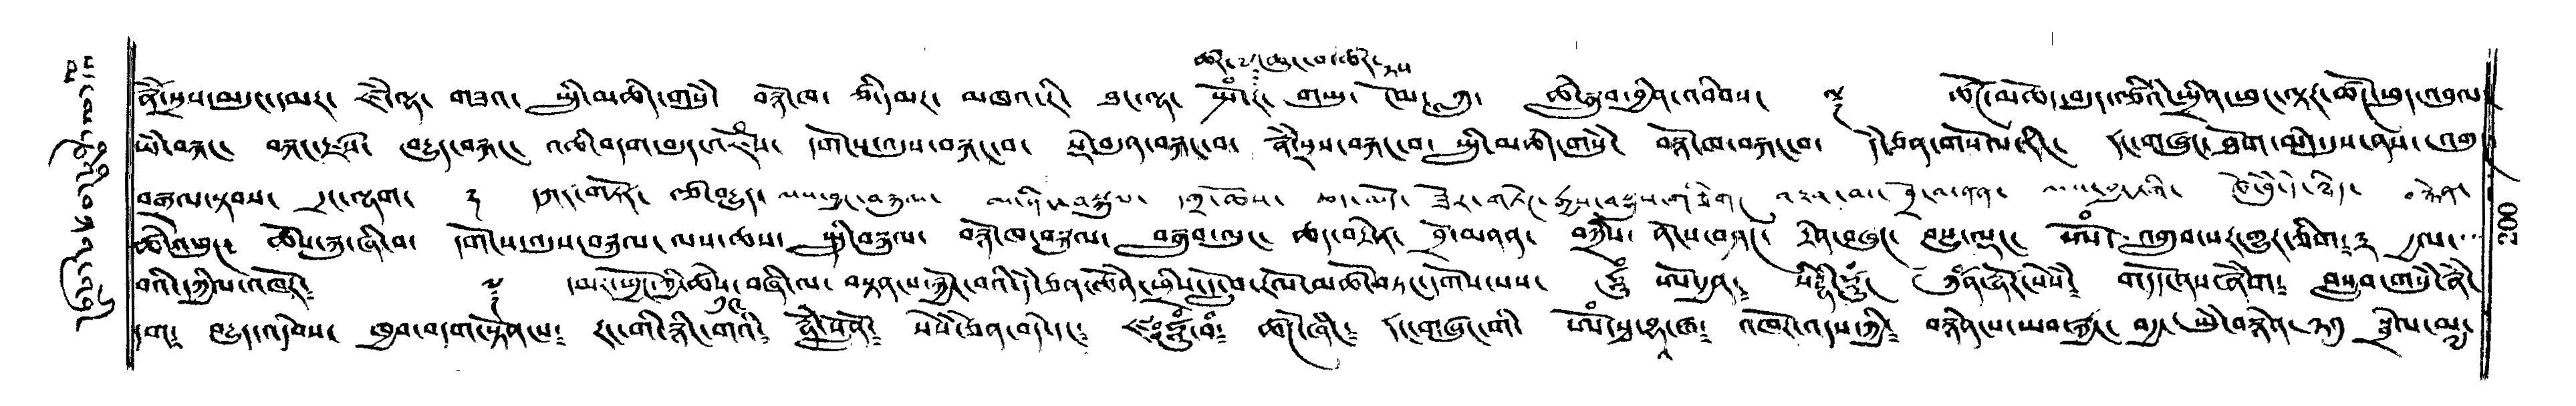རྣམ་སྲས་མདུང་དམར། ཛམ་ལ། གཟའ། སྤུ་གྲི་མཆེད་གསུམ། བསྙོ་ཁ། ཙིའུ་དམར། མཁའ་རི། ཐང་ལྷ། སྤོམ་ར། གཡུ། ངོམ། ཀླུ། ཚེ་སྒྲུབ་བྱིན་འབེབས། ༈ ཚོགས་མཆོད་བདུད་རྩིའི་སྤྲིན་ཕུང་ལྟར་ཚོགས་ཕུད་འབུལ། 
ཡཾ་བསྐང་། བསྐང་རྫས། བརྒྱུད་བསྐང་། འཆི་བདག་བདུད་འཇོམས། དགོངས་འདུས་བསྐང་བ། སྡེ་བདུན་བསྐང་བ། རྣམ་སྲས་བསྐང་བ།སྤུ་གྲི་མཆེད་གསུམ། བསྙོ་ཁ་བསྐང་བ། དམ་ཅན་གསོལ་རིང་། རང་གཞུང་། ཐོག་མེད་དུས་ནས༴ འགུགས་
སྒྲལ་སྟབ། དྲང་ལྷག དཀར་གཏོར། རྩ་བརྒྱུད། ལས་བྱང་བསྐུལ། མ་ནིང་བསྐུལ། དགྲ་ཆོས། ཆད་མདོ། ཟོར་བཏེགས་རྒྱས་བསྡུས་གང་རུང་གཅིག བརྟན་མ། བྲོ་མནན། ལས་བྱང་གི ཚེ་བུམ་དེ་ཉིད༴ བསྙེན་པ། 
ཚེ་འགུགས། ཆོས་སྐུ་ཞི་བ༴ དགོངས་འདུས་བསྐུལ། ལས་ཆས། སྤུ་གྲི་བསྐུལ། བསྙོ་ཁ་བསྐུལ། སྒྲུབ་ལུང་། ཆད་བརྟན། བྲོ་མནན། བཀྲ་ཤིས། ནོངས་བཤགས། རྟེན་བཞུགས། བསྡུ་ལྡང་། ཨོཾ། འགྲུབ་པར་གྱུར་ཅིག༴ རྒྱལ་
བའི་དཀྱིལ་འཁོར༴ ༈ དམར་ཕྱོགས་ཀྱི་ཚེས་བཅུ་བཞི། བཞི་ལ། བསྟན་པ་སྐྱོང་བའི་དམ་ཅན་ཆེན་པོའི་ཕྲིན་ལས་དངོས་གྲུབ་རོལ་མཚོ་གཏོང་དགོས་པས། ཧཱུྃ༔ ཨོ་རྒྱན༴ སིདྡྷི་ཧཱུཾ༔ ཀུན་བཟང་རྡོར་སེམས༴ གདོད་ནས་རྣམ་དག༴ བསླབ་གསུམ་རྣམ་
དག༴ བརྒྱུད་འདེབས། ཁྱབ་བདག་སྟོན་པ༴ རང་གི་སྙིང་གའི༴ རྡོ་རྗེ་སློབ་དཔོན༴ སེམས་ཅན་བདེ་དང༴ ཛཿཧཱུཾ་བཾ་ཧོཿ ཚོགས་ཞིང༴ རང་གཞུང་གི ཨོཾ་སྭ་བྷཱ་ཝ༴ འཁོར་འདས་ཀྱི༴ སྙེན་པ་ཡབ་རྐྱང་། བརྒྱ་དང་ཡུམ་སྙེན་ཉེར་གཅིག སྦྲེལ་མ་བདུན།